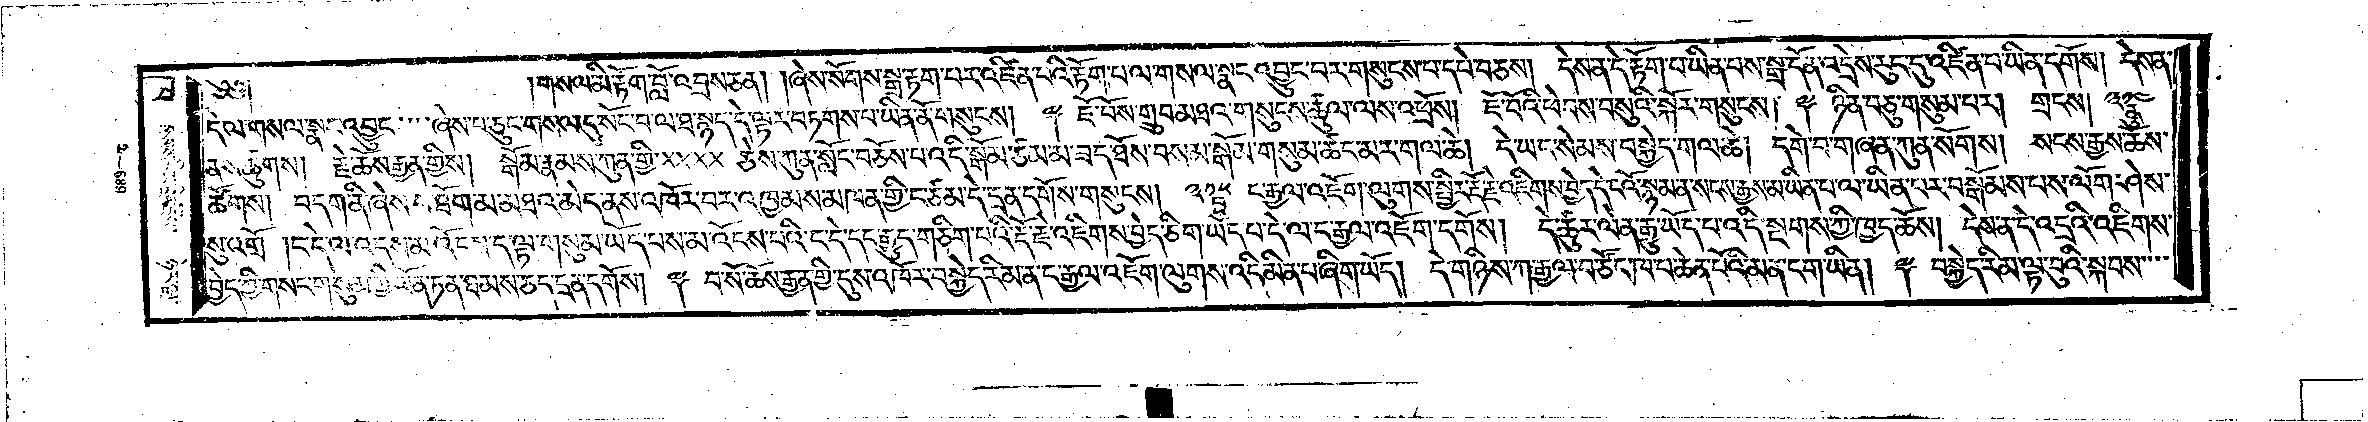༄༅། །གསལ་མི་རྟོག་བློ་འབྲས་ཅན། །ཞེས་སོགས་སྒྲ་རྟག་པར་འཛིན་པའི་རྟོག་པ་ལ་གསལ་སྣང་འབྱུང་བར་གསུངས་པ་དཔེ་བཅས། དེས་ན་དེ་རྟོག་པ་ཡིན་པས་སྒྲ་དོན་འདྲེས་རུང་དུ་འཛིན་པ་ཡིན་དགོས། དེས་ན་
དེ་ལ་གསལ་སྣང་འབྱུང་ཞེས་བ་ཅུང་གསལ་དུ་སོང་བ་ལ་ཐ་སྙད་དེ་ལྟར་བཏགས་པ་ཡིན་ནོ་གསུངས། ༈ ཇོ་བོས་གྲུབ་མཐའ་གསུངས་ཚུལ་ལས་འཕྲོས། ཇོ་བོའི་ཕེབས་བསུའི་སྐོར་གསུངས། ༈ ཉིན་བཅུ་གསུམ་པར། གྲངས། ༣༡༤ན༦
ནས་ཚུགས། རྗེ་ཆོས་རྒྱན་གྱིས། སྒོམ་རྣམས་ཀུན་གྱི་྾་྾་྾་ཅེས་ཀུན་སློང་བཅོས་པ་འདི་སྒོམ་ཙམ་མ་ཟད་ཐོས་བསམ་སྒོམ་གསུམ་ཚང་མར་གལ་ཆེ། དེ་ཡང་སེམས་བསྐྱེད་གལ་ཚེ། དགེ་བ་གཞན་ཀུན་སོགས། སངས་རྒྱས་ཆོས་
ཚོགས། བདག་ནི་ཞེས་པ་ཐོག་མ་མཐའ་མེད་ནས་འཁོར་བར་འཁྱམས་མཁན་གྱི་ང་ཙམ་དེ་དྲན་དགོས་གསུངས། ༣༡༥བ༥་ང་རྒྱལ་འཇོག་ལུགས་སྤྱིར་རྡོ་རྗེ་འཇིགས་བྱེད་དེ་ངའོ་སྙམ་ན་སངས་རྒྱས་མ་ཡིན་པ་ལ་ཡིན་པར་བསྒོམས་པས་ལོག་ཤེས་
སུ་འགྲོ་།ང་དེ་ལ་འདས་མ་འོངས་ད་ལྟ་གསུམ་ཡོད་པས་མ་འོངས་པའི་ང་དེ་དང་རྒྱུད་གཅིག་པའི་རྡོ་རྗེ་འཇིགས་བྱེད་ཅིག་ཡོད་པ་དེ་ལ་ང་རྒྱལ་འཇོག་དགོས། དེ་ཚུར་ལེན་རྒྱུ་ཡོད་པ་འདི་སྔགས་ཀྱི་ཁྱད་ཆོས། དེས་ན་དེ་འདྲའི་འཇིགས་
བྱེད་ཀྱི་གསང་གསུམ་གྱི་ཡོན་ཏན་ཐམས་ཅད་དྲན་དགོས། ༈ བ་སོ་ཆོས་རྒྱན་གྱི་དུས་འཁོར་བསྐྱེད་རིམ་ན་ང་རྒྱལ་འཇོག་ལུགས་འདི་མིན་པ་ཞིག་ཡོད། དེ་གཉིས་ཀ་རྒྱལ་བ་ཙོང་ཁ་པ་ཆེན་པོའི་མན་ངག་ཡིན། ༈ བསྐྱེད་རིམ་ལྟ་བུའི་སྐབས་